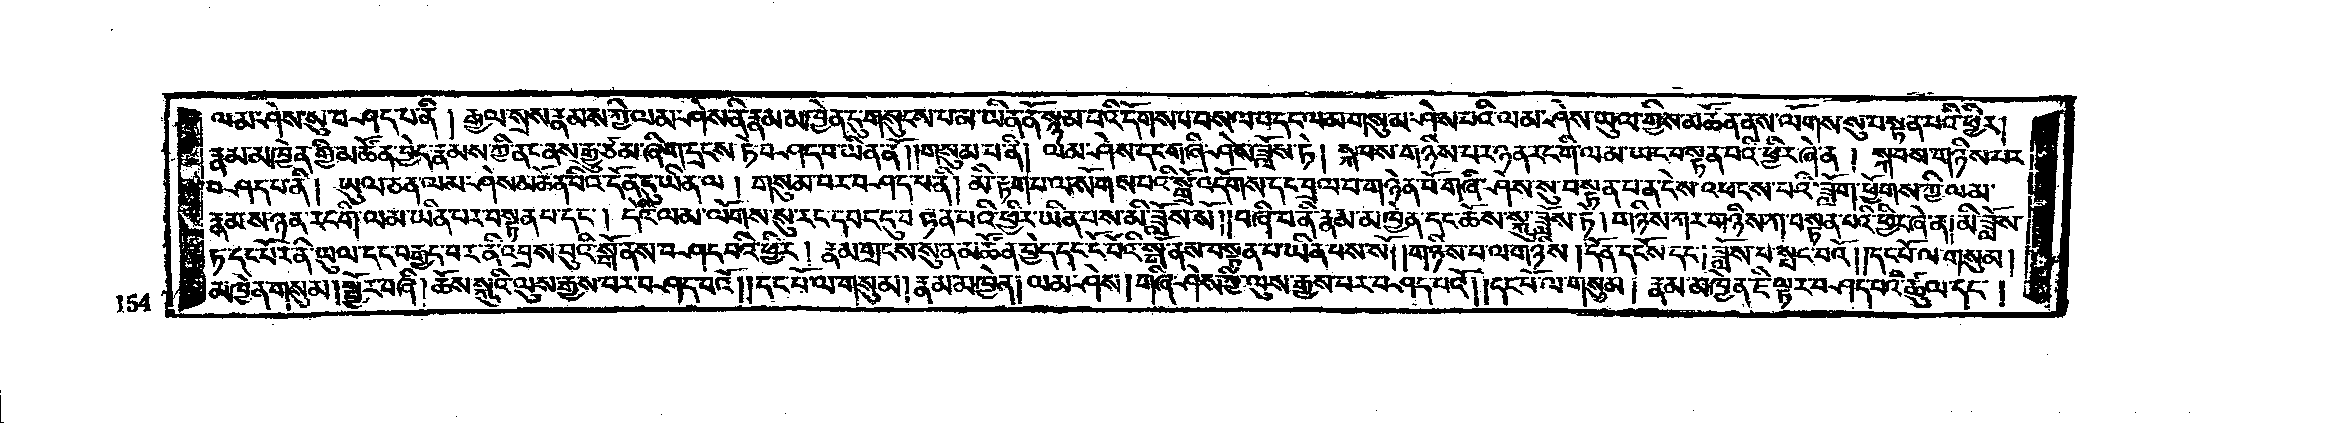ལམ་ཤེས་སུ་བཤད་པ་ནི། རྒྱལ་སྲས་རྣམས་ཀྱི་ལམ་ཤེས་ནི་རྣམ་མཁྱེན་དུ་གསུངས་པ་མ་ཡིན་ནོ་སྙམ་པའི་དོགས་པ་བསལ་བ་དང་ལམ་གསུམ་ཤེས་པའི་ལམ་ཤེས་ཡུལ་གྱིས་མཚོན་ནས་ལོགས་སུ་བསྟན་པའི་ཕྱིར།
རྣམ་མཁྱེན་གྱི་མཚོན་བྱེད་རྣམས་ཀྱི་ནང་ནས་རྒྱུ་ཙམ་ཞིག་དྲངས་ཏེ་བཤད་པ་ཡིན་ནོ། །གསུམ་པ་ནི། ལམ་ཤེས་དང་གཞི་ཤེས་ཟློས་ཏེ། སྐབས་གཉིས་པར་ཉན་རང་གི་ལམ་ཡང་བསྟན་པའི་ཕྱིར་ཞེ་ན། སྐབས་གཉིས་པར་
བཤད་པ་ནི། ཡུལ་ཅན་ལམ་ཤེས་མཚོན་པའི་དོན་དུ་ཡིན་ལ། གསུམ་པར་བཤད་པ་ནི། མི་རྟག་པ་ལ་སོགས་པའི་སྒྲོ་འདོགས་དང་བྲལ་བ་གཉེན་པོ་གཞི་ཤེས་སུ་བསྟན་པ་ན་ངེས་འཕངས་པའི་ཟློག་ཕྱོགས་ཀྱི་ལམ་
རྣམས་ཉན་རང་གི་ལམ་ཡིན་པར་བསྟན་པ་དང་། དེའི་ལམ་ལོགས་སུ་རང་དབང་དུ་བསྟོན་པའི་ཕྱིར་ཡིན་པས་མི་ཟློས་སོ། །བཞི་པ་ནི་རྣམ་མཁྱེན་དང་ཆོས་སྐུ་ཟློས་ཏེ། གཉིས་ཀར་གཉིས་ཀ་བསྟན་པའི་ཕྱིར་ཞེ་ན། མི་ཟློས་
ཏེ་དང་པོར་ནི་ཡུལ་དང་བརྒྱད་པར་ནི་འབྲས་བུའི་སྒོ་ནས་བཤད་པའི་ཕྱིར། རྣམ་གྲངས་སུ་ན་མཚོན་བྱེད་དང་ངོ་བོའི་སྒོ་ནས་བསྟན་པ་ཡིན་པས་སོ། །གཉིས་པ་ལ་གཉིས། དོན་དངོས་དང་། ཟློས་པ་སྤང་བའོ། །དང་པོ་ལ་གསུམ།
མཁྱེན་གསུམ། སྦྱོར་བཞི། ཆོས་སྐུའི་ལུས་རྒྱས་པར་བཤད་པའོ། །དང་པོ་ལ་གསུམ། རྣམ་མཁྱེན། ལམ་ཤེས། གཞི་ཤེས་ཀྱི་ལུས་རྒྱས་པར་བཤད་པའོ། །དང་པོ་ལ་གསུམ། རྣམ་མཁྱེན་ཇི་ལྟར་བཤད་པའི་ཚུལ་དང་།